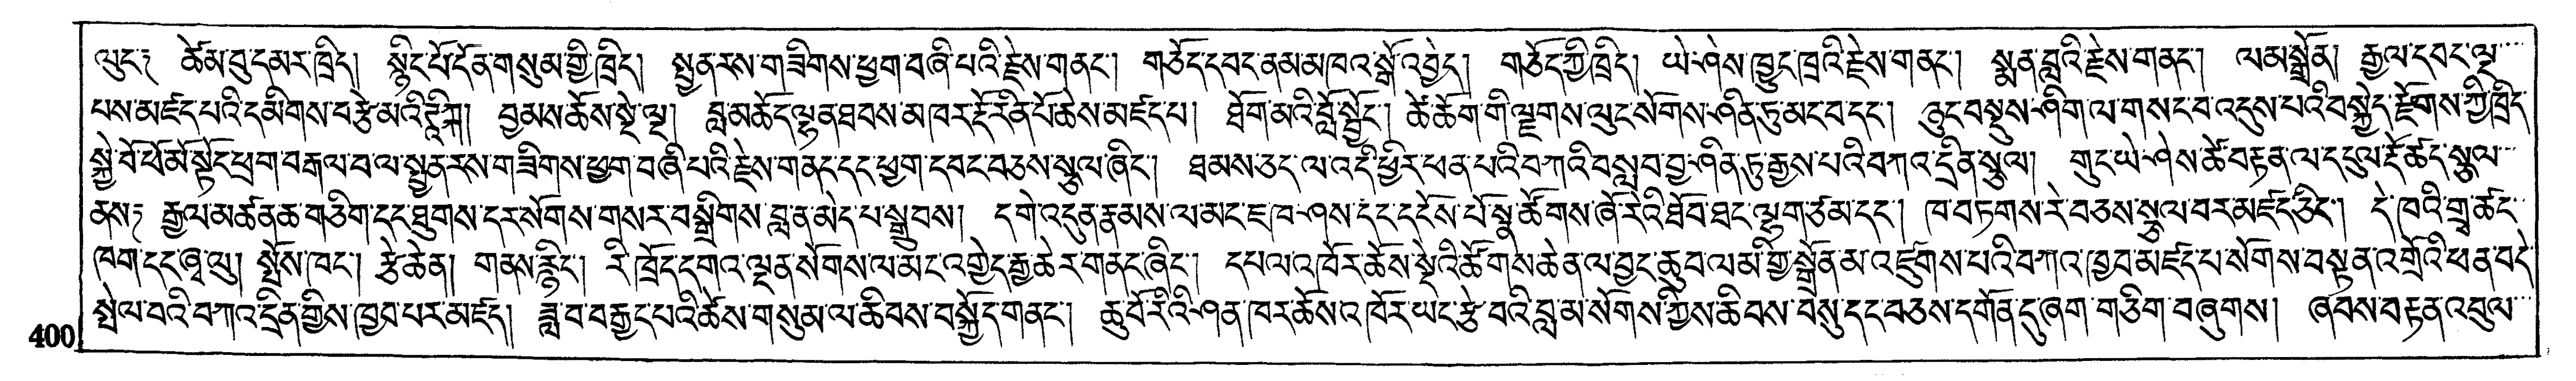ལུང༑ ཚེམ་བུ་དམར་ཁྲིད། སྙིང་པོ་དོན་གསུམ་གྱི་ཁྲིད། སྤྱན་རས་གཟིགས་ཕྱག་བཞི་པའི་རྗེས་གནང་། གཅོད་དབང་ནམ་མཁའ་སྒོ་འབྱེད། གཅོད་ཀྱི་ཁྲིད། ཡེ་ཤེས་ཁྱུང་ཁྲའི་རྗེས་གནང་། སྨན་བླའི་རྗེས་གནང་། ལམ་སྒྲོན། རྒྱལ་དབང་ལྔ་
པས་མཛད་པའི་དམིགས་བརྩེ་མའི་ཊཱིཀྐ། བྱམས་ཆོས་སྡེ་ལྔ། བླ་མཆོད་ལྷན་ཐབས་མཁར་རྡོ་རིན་པོ་ཆེས་མཛད་པ། ཐོག་མའི་བློ་སྦྱོང་། ཚེ་ཆོག་གི་ལྗགས་ལུང་སོགས་ཤིན་ཏུ་མང་བ་དང་། ཉུང་བསྡུས་ཤིག་ལ་གསང་བ་འདུས་པའི་བསྐྱེད་རྫོགས་ཀྱི་ཁྲིད་
སྐྱེ་བོ་ཕོ་མོ་སྟོང་ཕྲག་བརྒལ་བ་ལ་སྦྱན་རས་གཟིགས་ཕྱག་བཞི་པའི་རྗེས་གནང་དང་ཕྱག་དབང་བཅས་སྩལ་ཞིང་། ཐམས་ཅད་ལ་འདི་ཕྱིར་ཕན་པའི་བཀའི་བསླབ་བྱ་ཤིན་ཏུ་རྒྱས་པའི་བཀའ་དྲིན་སྩལ། གུང་ཡེ་ཤེས་ཚེ་བརྟན་ལ་དངུལ་རྡོ་ཚད་སྩལ་
ནས༑ རྒྱལ་མཚན་ཆ་གཅིག་དང་ཐུགས་དར་སོགས་གསར་བསྒྲིགས་བླ་ན་མེད་པ་སྒྲུབས། དགེ་འདུན་རྣམས་ལ་མང་ཇ་ཁ་ཤས་དང་དངོས་པོ་སྣ་ཚོགས་ཞོ་རེའི་ཐོབ་ཐང་ལྷག་ཙམ་དང་། ཁ་བཏགས་རེ་བཅས་སྩལ་བ་ར་མཛད་ཅིང་། དེ་ཁའི་གྲྭ་ཚང་
ཁག་དང་ཞྭ་ལུ། སྤོས་ཁང་། རྩེ་ཆེན། གནས་རྙིང་། རི་ཁྲོད་དགའ་ལྡན་སོགས་ལ་མང་འགྱེད་རྒྱ་ཆེར་གནང་ཞིང་། དཔལ་འཁོར་ཆོས་སྡེའི་ཚོགས་ཆེན་ལ་བྱང་ཆུབ་ལམ་གྱི་སྒྲོན་མ་འཛུགས་པའི་བཀའ་ཁྱབ་མཛད་པ་སོགས་པ་སྟན་འགྲོའི་ཕན་བདེ་
སྦེལ་པའི་བཀའ་དྲིན་གྱིས་ཁྱབ་པར་མཛད། ཟླ་བ་བརྒྱད་པའི་ཚེས་གསུམ་ལ་ཆིབ་བས་བསྐྱོད་གནང་། ཆུ་བོ་རིའི་ཤན་ཤར་ཆོས་འཁོར་ཡང་རྩེ་བའི་བླ་མ་སོགས་ཀྱིས་ཆིབས་བསུ་དང་བཅས་དགོན་དུ་ཞག་གཅིག་བཞུགས། ཞབས་བརྟན་འབུལ་